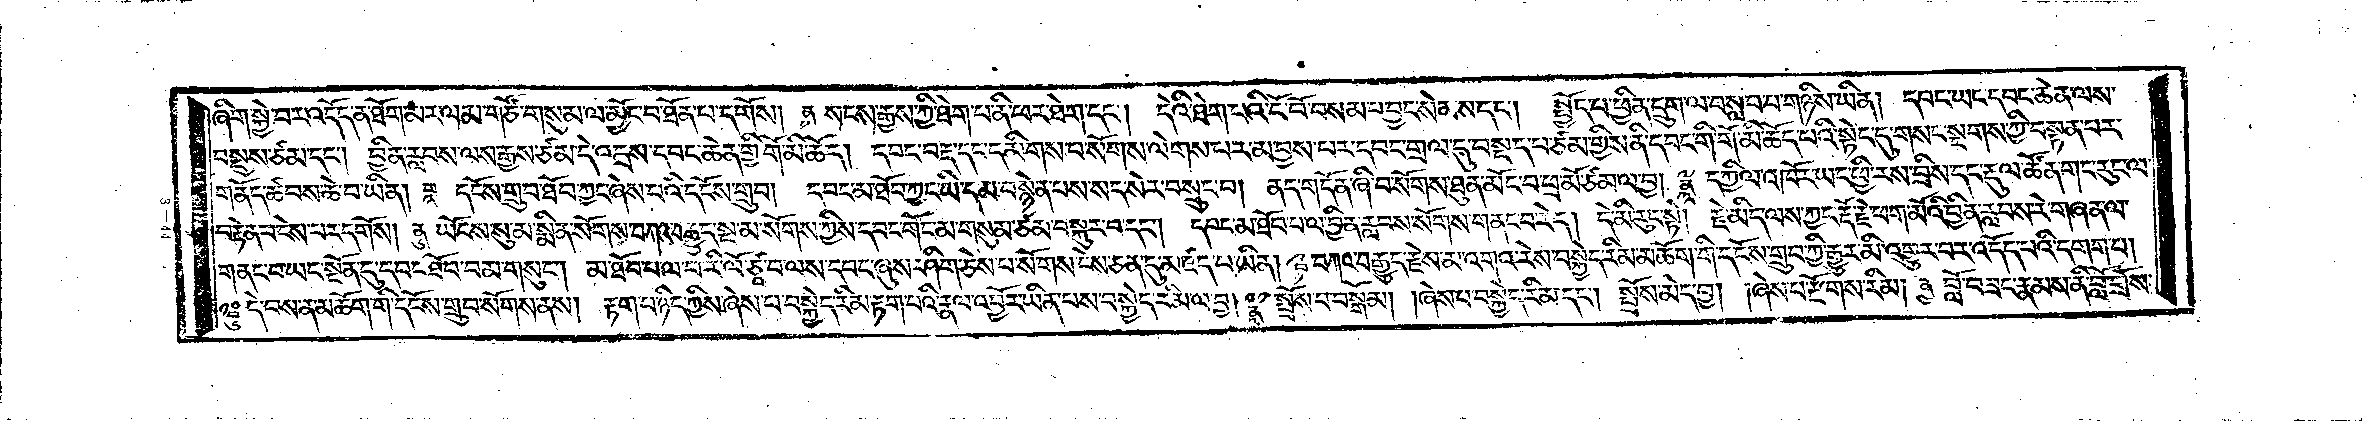ཞིག་སྐྱེ་བར་འདོད་ན་ཐོག་མར་ལམ་གཙོ་གསུམ་ལ་མྱོང་བ་ཐོན་པ་དགོས། ན༤་སངས་རྒྱས་ཀྱི་ཐེག་པ་ནི་ཕར་ཐེག་དང་། དེའི་ཐེག་པའི་ངོ་བོ་བསམ་པ་བྱང་སེམས་དང་། སྤྱོད་པ་ཕྱིན་དྲུག་ལ་བསླབས་།ཉིས་ཡིན། དབང་ཡང་དབང་ཆེན་ལས་
བསྡུས་ཙམ་དང་། བྱིན་རླབས་ལས་རྒྱས་ཙམ་དེ་འདྲས་དབང་ཆེན་གྱི་གོ་མི་ཆོད། དབང་བརྡ་དང་དམིགས་པ་སོགས་ལེགས་པར་མ་བྱས་པར་དབང་གྲལ་དུ་བསྡད་པ་ཙམ་གྱིས་ནི་དབང་གི་གོ་མི་ཆོད་པའི་སྟེང་དུ་གསང་སྔགས་ཀྱི་བསྟན་པར་
གནོད་ཚབས་ཆེ་བ་ཡིན། བ༢་དངོས་གྲུབ་ཐོབ་ཀྱང་ཞེས་པའི་དངོས་གྲུབ། དབང་མ་ཐོབ་ཀྱང་ཡི་དམ་བསྙེན་པས་སད་སེར་བསྲུང་བ། ནད་གདོན་ཞི་བ་སོགས་ཐུན་མོང་པ་ཕྲ་མོ་ཙམ་ལ་བྱ། ༧ན༣་དཀྱིལ་འཁོར་ཡང་ཕྱི་རས་བྲིས་དང་རྡུལ་ཚོན་གང་རུང་ལ་
བརྟེན་པ་ངེས་པར་དགོས། ན༦་ཡོངས་སུ་མ་སྨིན་སོགས་བཀའ་བརྒྱུད་སྔ་མ་སོགས་ཀྱིས་དབང་གོང་མ་གསུམ་ཙམ་བསྐུར་བ་དང་། དབང་མ་ཐོབ་པ་ལ་བྱིན་རླབས་སོགས་གནང་བའེའ། དེ་མི་རུང་སྟེ། རྗེ་མིད་ལས་ཀྱང་རྡོ་རྗེ་ཕག་མོའི་བྱིན་རླབས་རེ་གཞན་ལ་
གནང་བ་ཡང་སྔོན་དུ་དབང་ཐོབ་བ་མ་གསུང་། མ་ཐོབ་པ་ལ་བ་རི་ལོ་ཙཱ་བ་ལས་དབང་ཞུས་ཤིག་ཅེས་པ་སོགས་ངེས་ཅན་དུ་མཛད་པ་ཡིན། ༩བ༡་བཀའ་བརྒྱུད་རྗེས་མ་འགའ་རེས་བསྐྱེད་རིམ་མཆོག་གི་དངོས་གྲུབ་ཀྱི་རྒྱུར་མི་འགྱུར་བར་འདོད་པའི་དགག་པ།
༡༠བ༦་དེ་བས་ན་མཆོག་གི་དངོས་གྲུབ་སོགས་ནས། རྟག་པ་ཉིད་ཀྱིས་ཞེས་པ་བསྐྱེད་རིམ་རྟག་པའི་རྣལ་འབྱོར་ཡིན་པས་བསྐྱེད་རིམ་ལ་བྱ། ༡༡ན༢་སྤྲོས་པ་བསྒོམ། །ཞེས་པ་བསྐྱེད་རིམ་དང་། སྤྲོས་མེད་བྱ། །ཞེས་པ་རྫོགས་རིམ། ན༤་བློ་བཟང་རྣམས་ནི་བློ་གྲོས་